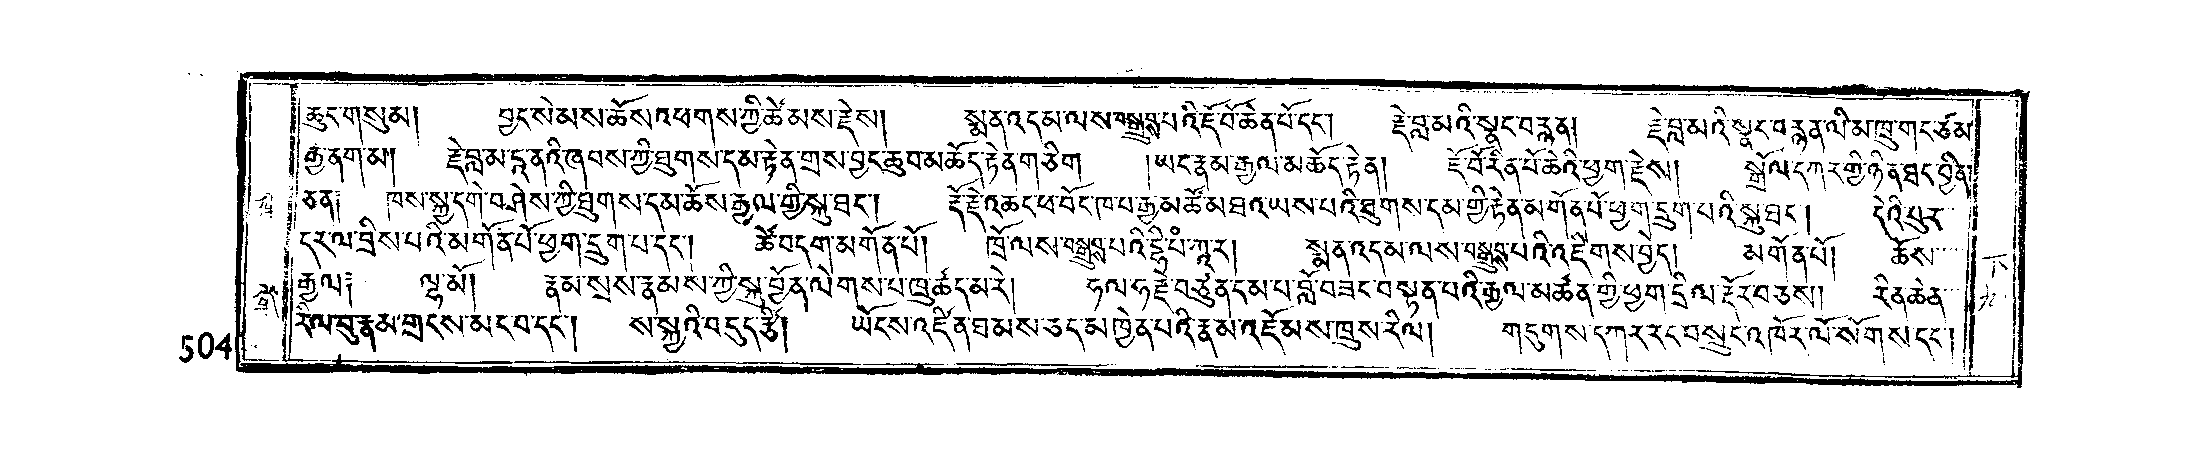ཆུང་གསུམ། བྱང་སེམས་ཆོས་འཕགས་ཀྱི་ཚེམས་རྗེས། སྨན་འདམ་ལས་བསྒྲུབས་པའི་ཇོ་བོ་ཆེན་པོ་དང་། རྗེ་བླ་མའི་སྣང་བརྙན། རྗེ་བླ་མའི་སྣང་བརྙན་ལི་མ་ཁྲུ་གང་ཙམ་
རྒྱ་ནག་མ། རྗེ་བླ་མ་དཱ་ནའི་ཞབས་ཀྱི་ཐུགས་དམ་རྟེན་གྲས་བྱང་ཆུབ་མཆོད་རྟེན་གཅིག །ཡང་རྣམ་རྒྱལ་མཆོད་རྟེན། ཇོ་བོ་རིན་པོ་ཆེའི་ཕྱག་རྗེས། སྒྲོལ་དཀར་གྱི་ཉིན་ཐང་བྱིན་
ཅན། ཁས་སྐྱ་དགེ་བཤེས་ཀྱི་ཐུགས་དམ་ཆོས་རྒྱལ་གྱི་སྐུ་ཐང་། རྡོ་རྗེ་འཆང་ཕ་བོང་ཁ་པ་རྒྱ་མཚོ་མཐའ་ཡས་པའི་ཐུགས་དམ་གྱི་རྟེན་མགོན་པོ་ཕྱག་དྲུག་པའི་སྐུ་ཐང་། དེའི་པུར་
དར་ལ་བྲིས་པའི་མགོན་པོ་ཕྱག་དྲུག་པ་དང་། ཚེ་བདག་མགོན་པོ། ཁྲོ་ལས་བསྒྲུབས་པའི་དྷི་པཾ་ཀཱ་ར། སྨན་འདམ་ལས་བསྒྲུབས་པའི་འཇིགས་བྱེད། མགོན་པོ། ཆོས་
རྒྱལ། ལྷ་མོ། རྣམ་སྲས་རྣམས་ཀྱི་སྐུ་བྱོན་ལེགས་པ་ཁྲུ་ཚད་མ་རེ། ཧལ་ཧ་རྗེ་བཙུན་དམ་པ་བློ་བཟང་བསྟན་པའི་རྒྱལ་མཚན་གྱི་ཕྱག་དྲིལ་རྡོར་བཅས། རིན་ཆེན་
རིལ་བུ་རྣམ་གྲངས་མང་བ་དང་། ས་སྐྱའི་བདུད་རྩི། ཡོངས་འཛིན་ཐམས་ཅད་མཁྱེན་པའི་རྣམ་འཇོམས་ཁྲུས་རིལ། གདུགས་དཀར་རང་བསྲུང་འཁོར་ལོ་སོགས་དང་།